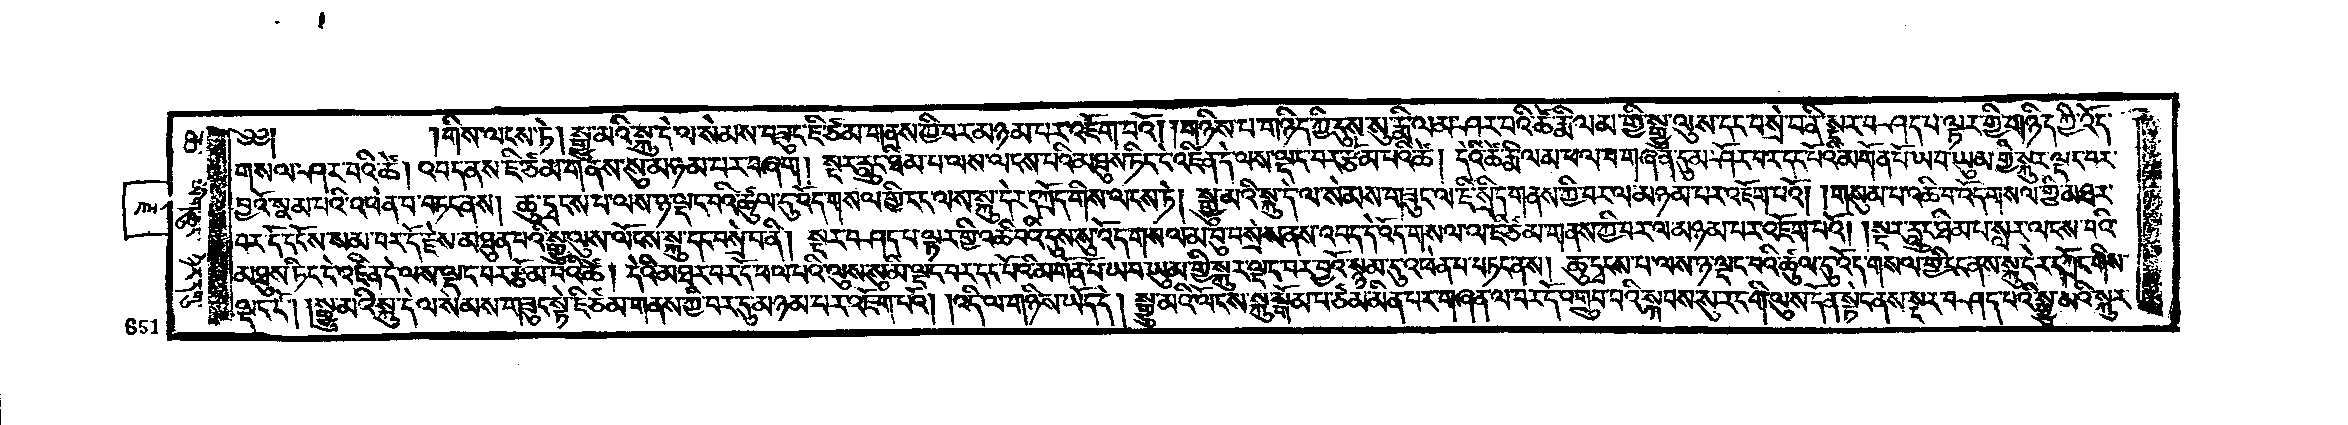༄༅། །གིས་ལངས་ཏེ། སྒྱུ་མའི་སྐུ་དེ་ལ་སེམས་བཟུང་ཇི་ཙམ་གནས་ཀྱི་བར་མཉམ་པར་འཇོག་པའོ། །གཉིས་པ་གཉིད་ཀྱི་དུས་སུ་རྨི་ལམ་ཤར་བའི་ཚེ་རྨི་ལམ་གྱི་སྒྱུ་ལུས་དང་བསྲེ་བ་ནི་སྔར་བཤད་པ་ལྟར་གྱི་གཉིད་ཀྱི་འོད་
གསལ་ཤར་བའི་ཚེ། འབད་ནས་ཇི་ཙམ་གནས་སུ་མཉམ་པར་བཞག། སྔར་རླུང་ཐིམ་པ་ལས་ལངས་པའི་མཐུས་ཏིང་ངེ་འཛིན་དེ་ལས་ལྡང་བར་རྩོམ་པའི་ཚེ། དེའི་ཚེ་རྨི་ལམ་ཕལ་པ་གཞན་དུ་མ་ཤོར་བར་དང་པོའི་མགོན་པོ་ཡབ་ཡུམ་གྱི་སྐུར་ལྡང་བར་
བྱའོ་སྙམ་པའི་འཕེན་པ་བཏང་ནས། ཆུ་དྭངས་པ་ལས་ཉ་ལྡང་བའི་ཚུལ་དུ་འོད་གསལ་གྱི་ངང་ལས་སྐུ་དེར་དཀྲོད་གིས་ལྔས་ཏེ། སྒྱུ་མའི་སྐུ་དེ་ལ་སེམས་གཟུང་ལ་ཇི་སྲིད་གནས་ཀྱི་བར་ལ་མཉམ་པར་འཇོག་པའོ། །གསུམ་པ་འཆི་བ་འོད་གསལ་གྱི་མཐར་
བར་དོ་དངོས་སམ་བར་དོ་རྗེས་མཐུན་པའི་སྒྱུ་ལུས་ལོངས་སྐུ་དང་བསྲེ་བ་ནི། སྔར་བཤད་པ་ལྟར་གྱི་འཆི་བའི་དུས་སུ་འོད་གསལ་མ་བུ་བསྲེས་ནས་འབད་དེ་འོད་གསལ་ལ་ཇི་ཙམ་གནས་ཀྱི་བར་ལ་མཉམ་པར་འཇོག་པའོ། །སྔར་རླུང་ཐིམ་པ་སླར་ལངས་པའི་
མཐུས་ཏིང་ངེ་འཛིན་དེ་ལས་ལྡང་བར་རྩོམ་པའི་ཚེ། དེའི་མཐར་བར་དོ་ཕལ་པའི་ལུས་སུ་མི་ལྡང་བར་དང་པོའི་མགོན་པོ་ཡབ་ཡུམ་གྱི་སྐུར་ལྡང་བར་བྱའོ་སྙམ་དུ་འཕེན་པ་བཏང་ནས། ཆུ་དྭངས་པ་ལས་ཉ་ལྡང་བའི་ཚུལ་དུ་འོད་གསལ་གྱི་ངང་ནས་སྐུ་དེར་དཀྲོང་གིས་
ལྡང་ངོ། །སྒྱུ་མའི་སྐུ་དེ་ལ་སེམས་གཟུང་སྟེ་ཇི་ཙམ་གནས་ཀྱི་བར་དུ་མཉམ་པར་འཇོག་པའོ། །འདི་ལ་གཉིས་ཡོད་དེ། སྒྱུ་མའི་ལོངས་སྐུ་སྒོམ་པ་ཙམ་མིན་པར་གཞན་ལ་བར་དོ་འགྲུབ་པའི་སྐབས་སུ་རང་གི་ལུས་དོན་སྟེང་ནས་སྔར་བཤད་པའི་སྒྱུ་མའི་སྐུར་